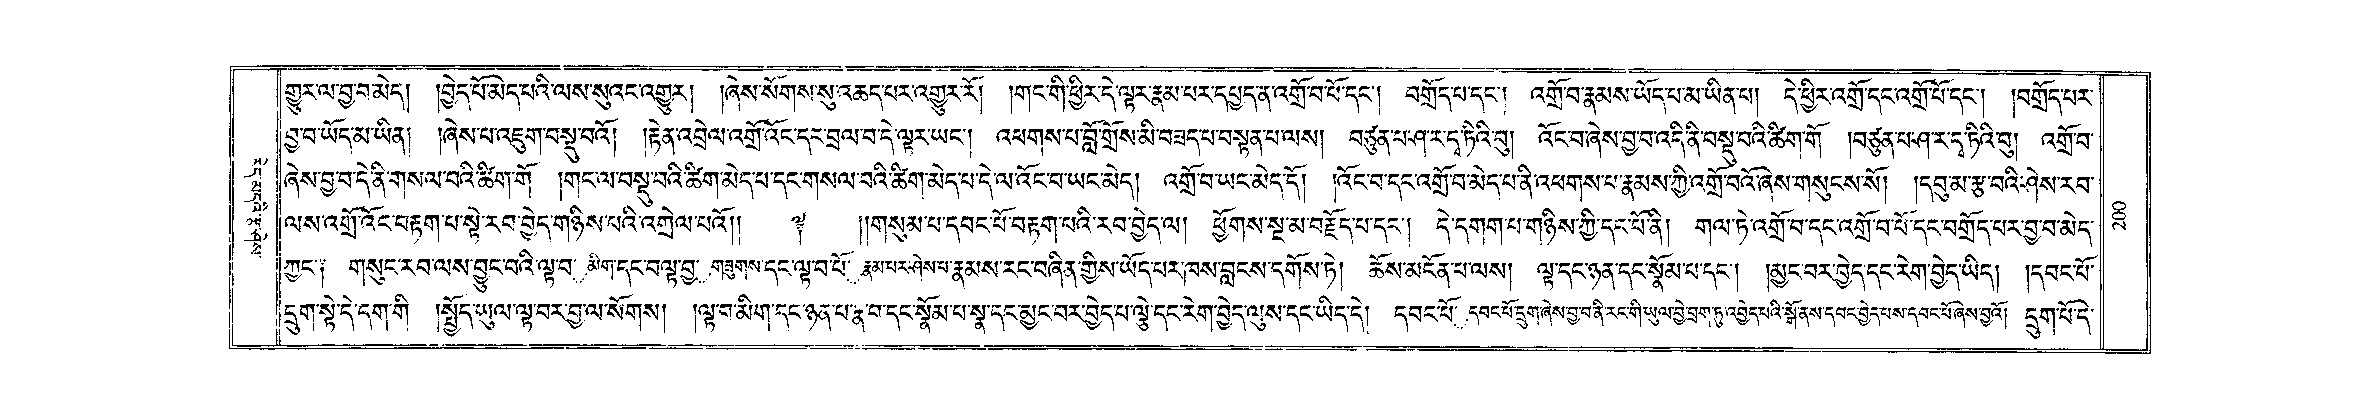གྱུར་ལ་བྱ་བ་མེད། །བྱེད་པོ་མེད་པའི་ལས་སུའང་འགྱུར། །ཞེས་སོགས་སུ་འཆད་པར་འགྱུར་རོ། །གང་གི་ཕྱིར་དེ་ལྟར་རྣམ་པར་དཔྱད་ན་འགྲོ་བ་པོ་དང་། བགྲོད་པ་དང་། འགྲོ་བ་རྣམས་ཡོད་པ་མ་ཡིན་པ། དེ་ཕྱིར་འགྲོ་དང་འགྲོ་པོ་དང་། །བགྲོད་པར་
བྱ་བ་ཡོད་མ་ཡིན། །ཞེས་པ་འཇུག་བསྡུ་བའོ། །རྟེན་འབྲེལ་འགྲོ་འོང་དང་བྲལ་བ་དེ་ལྟར་ཡང་། འཕགས་པ་བློ་གྲོས་མི་བཟད་པ་བསྟན་པ་ལས། བཙུན་པ་ཤ་ར་དྭ་ཏིའི་བུ། འོང་བ་ཞེས་བྱ་བ་འདི་ནི་བསྡུ་བའི་ཚིག་གོ །བཙུན་པ་ཤ་ར་དྭ་ཏིའི་བུ། འགྲོ་བ་
ཞེས་བྱ་བ་དེ་ནི་གསལ་བའི་ཚིག་གོ །གང་ལ་བསྡུ་བའི་ཚིག་མེད་པ་དང་གསལ་བའི་ཚིག་མེད་པ་དེ་ལ་འོང་བ་ཡང་མེད། འགྲོ་བ་ཡང་མེད་དོ། །འོང་བ་དང་འགྲོ་བ་མེད་པ་ནི་འཕགས་པ་རྣམས་ཀྱི་འགྲོ་བའོ་ཞེས་གསུངས་སོ། །དབུ་མ་རྩ་བའི་ཤེས་རབ་
ལས་འགྲོ་འོང་བརྟག་པ་སྟེ་རབ་བྱེད་གཉིས་པའི་འགྲེལ་པའོ།། ༈ །།གསུམ་པ་དབང་པོ་བརྟག་པའི་རབ་བྱེད་ལ། ཕྱོགས་སྔ་མ་བརྗོད་པ་དང་། དེ་དགག་པ་གཉིས་ཀྱི་དང་པོ་ནི། གལ་ཏེ་འགྲོ་བ་དང་འགྲོ་བ་པོ་དང་བགྲོད་པར་བྱ་བ་མེད་
ཀྱང༑ གསུང་རབ་ལས་བྱུང་བའི་ལྟ་བ་མིག་དང་བལྟ་བྱ་གཟུགས་དང་ལྟ་བ་པོ་རྣམ་པར་ཤེས་པ་རྣམས་རང་བཞིན་གྱིས་ཡོད་པར་ཁས་བླངས་དགོས་ཏེ། ཆོས་མངོན་པ་ལས། ལྟ་དང་ཉན་དང་སྣོམ་པ་དང་། །མྱང་བར་བྱེད་དང་རེག་བྱེད་ཡིད། །དབང་པོ་
དྲུག་སྟེ་དེ་དག་གི །སྤྱོད་ཡུལ་ལྟ་བར་བྱ་ལ་སོགས། །ལྟ་བ་མིག་དང་ཉན་པ་རྣ་བ་དང་སྣོམ་པ་སྣ་དང་མྱང་བར་བྱེད་པ་ལྕེ་དང་རེག་བྱེད་ལུས་དང་ཡིད་དེ། དབང་པོ་དབང་པོ་དྲུག་ཞེས་བྱ་བ་ནི་རང་གི་ཡུལ་བྱེ་བྲག་ཏུ་འབྱེད་པའི་སྒོ་ནས་དབང་བྱེད་པས་དབང་པོ་ཞེས་བྱའོ།  དྲུག་པོ་དེ་